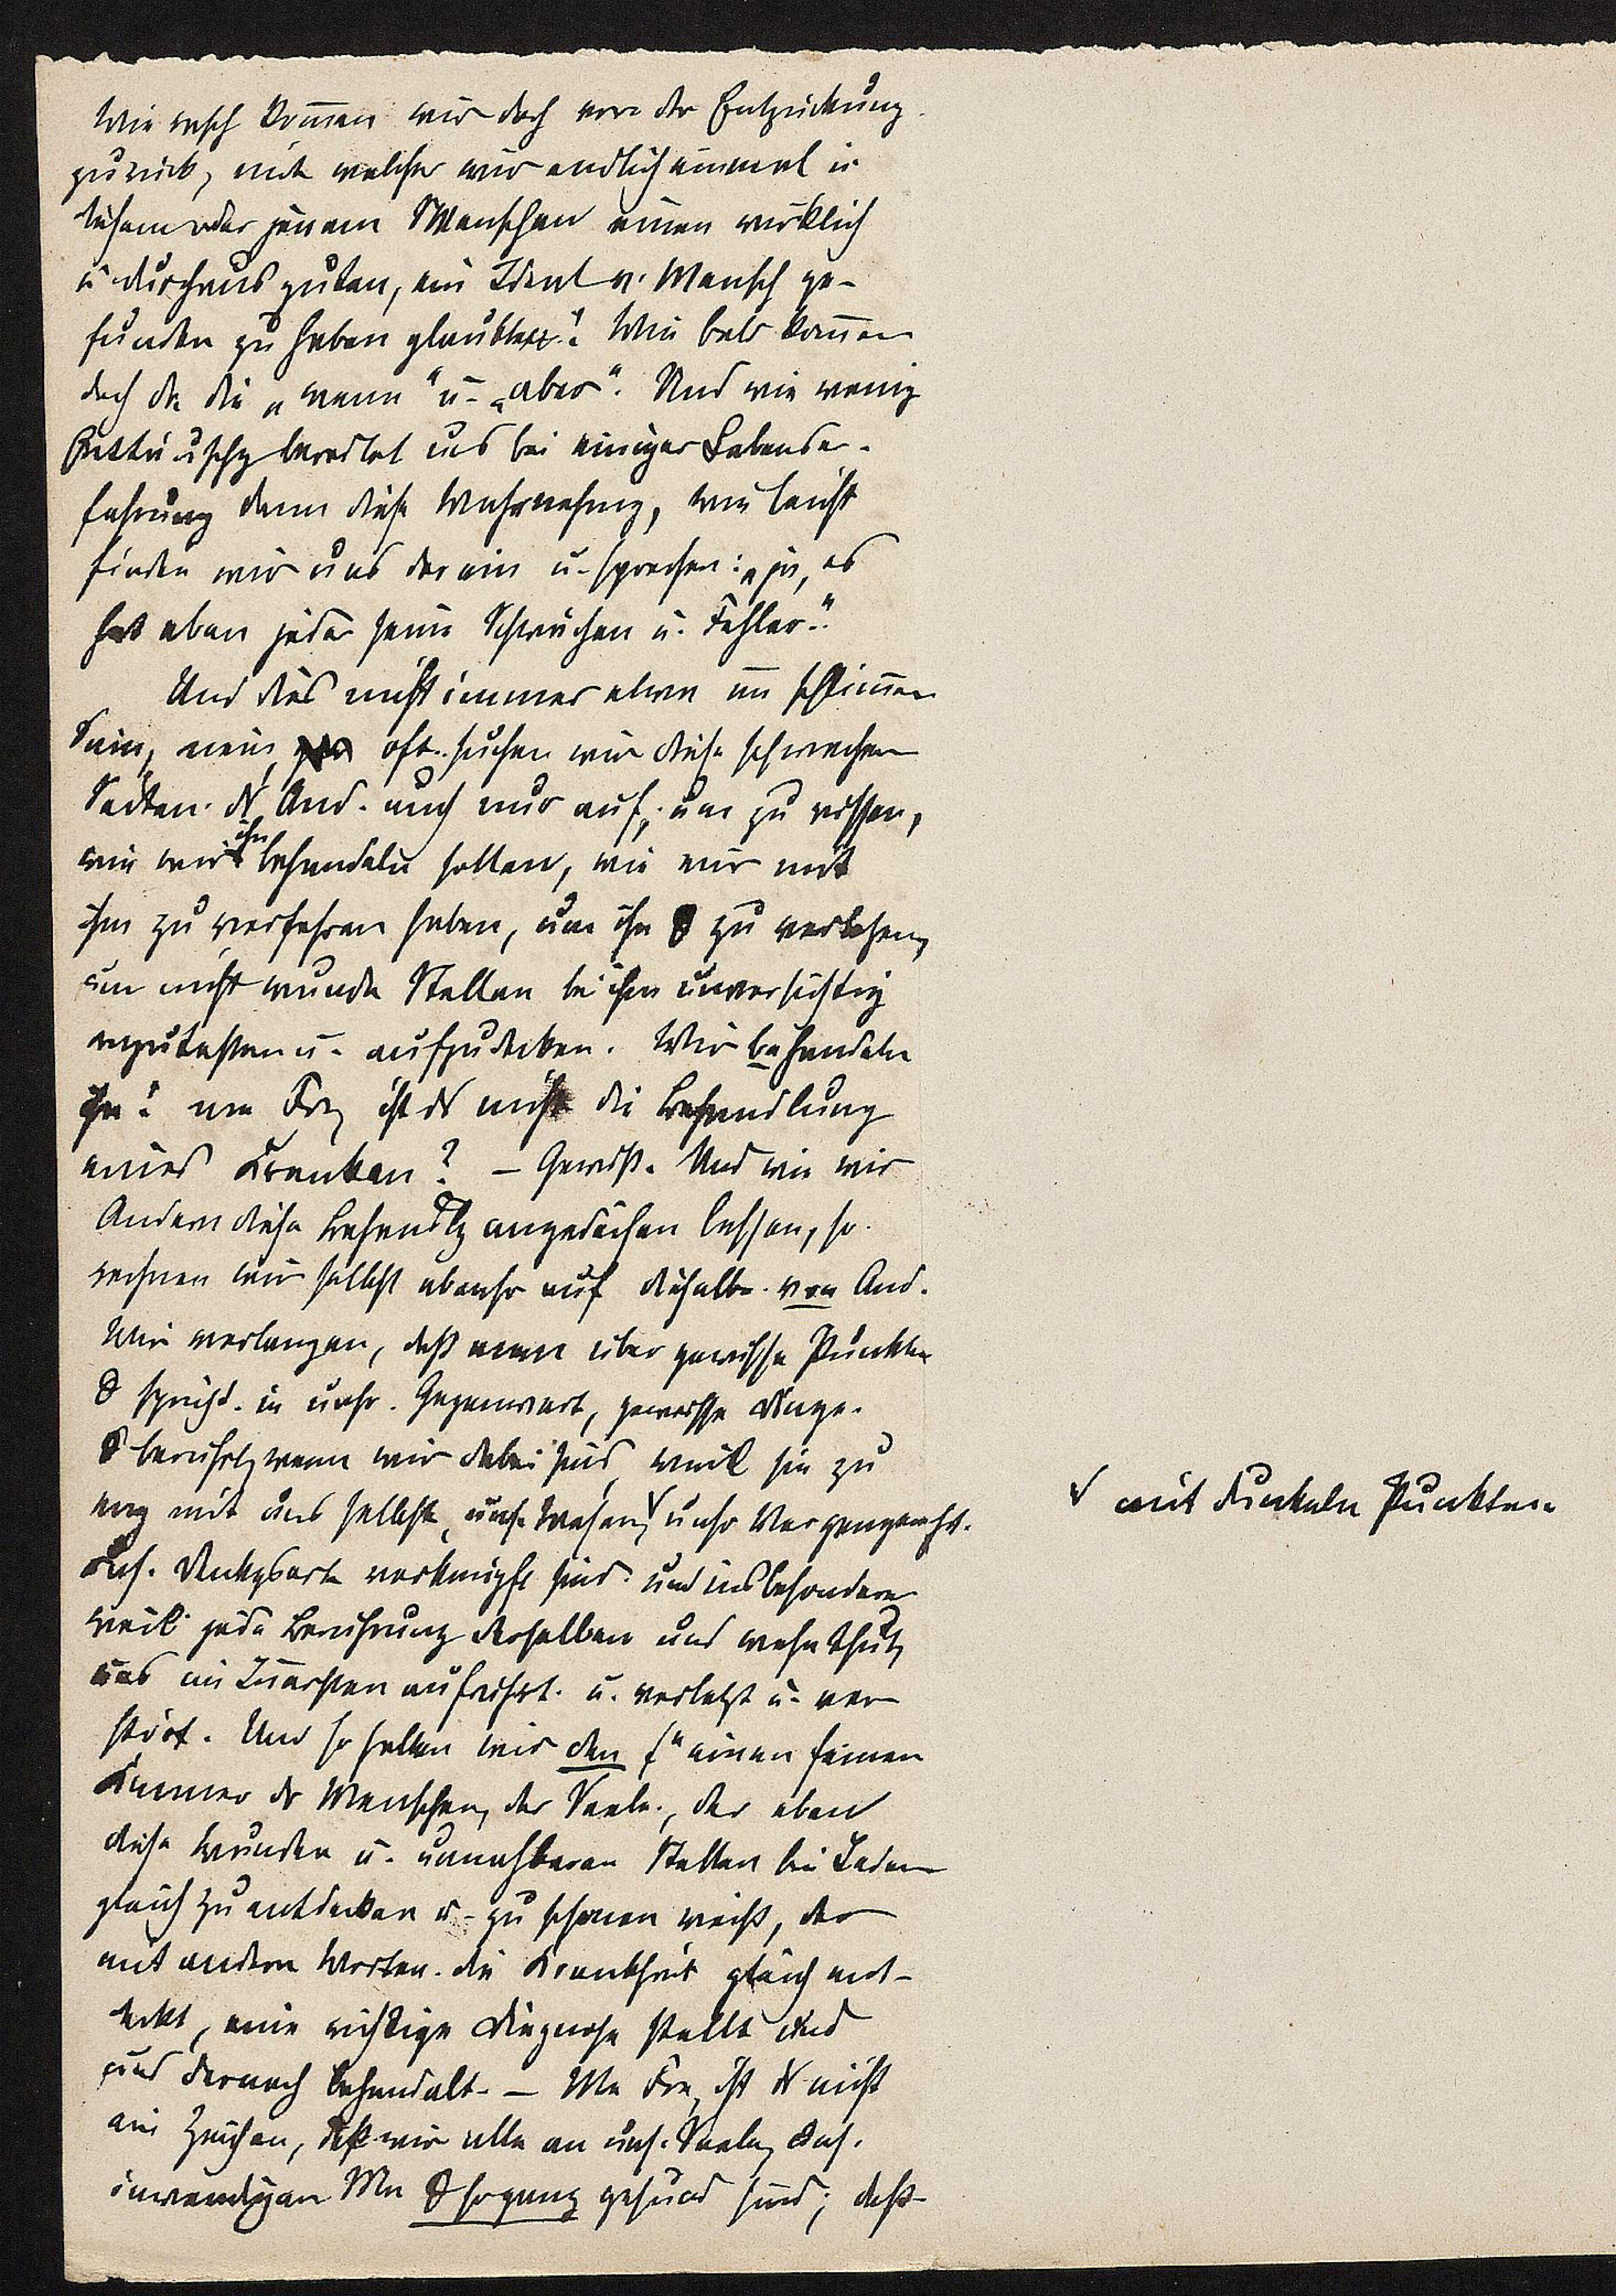Wie rasch kommen wir doch von der Entzünkung
zurück, mit welcher wir endlich einmal in
diesem oder jenem Menschen einen wirklich
u. durchaus guten, ein Ideal v. Mensch ge¬
funden zu haben glaubten! Wie bald komen
doch da die "wenn" u. "aber". Und wie wenig
Enttäuschg bereitet uns bei einiger Lebenser¬
fahrung dann diese Wahrnehmng, wie leicht
finden wir uns da ein u sprechen: "ja, es
hat eben jeder seine Schwächen u. Fehler!"
Und dies nicht immer etwa um schlimen
Sein, nein, gar oft. suchen wir diese schwachen
Seiten. des And. auch nur auf, um zu wissen,
wie wir ihn behandelt sollen, wie wir mit
ihm zu verfahren haben, um ihn o zu verletzen,
um nicht wunde Stellen bei ihm unvorsichtig
anzutasten u. aufzudecken. Wir behandeln
ihn! m Fr, ist ds nicht die Behandlung
eines Kranken? _ Gewiß. Und wie wir
Andern diese Behandlg angedeihen lassen, so
rechnen wir selbst ebenso auf dieselbe von And.
Wir verlangen, daß man über gewisse Punkte.
o spricht. in unsr. Gegenwert, gewisse Dinge.
o berührt, wenn wir dabei sind, weil sie zu
eng mit uns selbst, unsr Wesen, V unsr Vergangenht.
uns.. Denkgsart verknüpft sind. und insbesondere
weil jede Berührung derselben uns wehe thut,
uns, im Innersten aufrührt u. verletzt u. ver¬
stört. Und so halten wir den fü einen feinen
Kenner dr Menschen, der Seele, der eben
diese Wunden u. unnahbaren Stellen bei Jedem
gleich zu entdecken u. zu schonen weiß, der
mit andern Worten. die Krankheit gleich ent¬
dekt, eine richtige Diagnose stellt und
uns dernach behandelt. _ Mn Fr, ist ds nicht
ein Zeichen, daß wie alle an uns. Seele, uns.
inwendigen Mn. o so ganz gesund sind, daß
V mit dunkeln Punkten